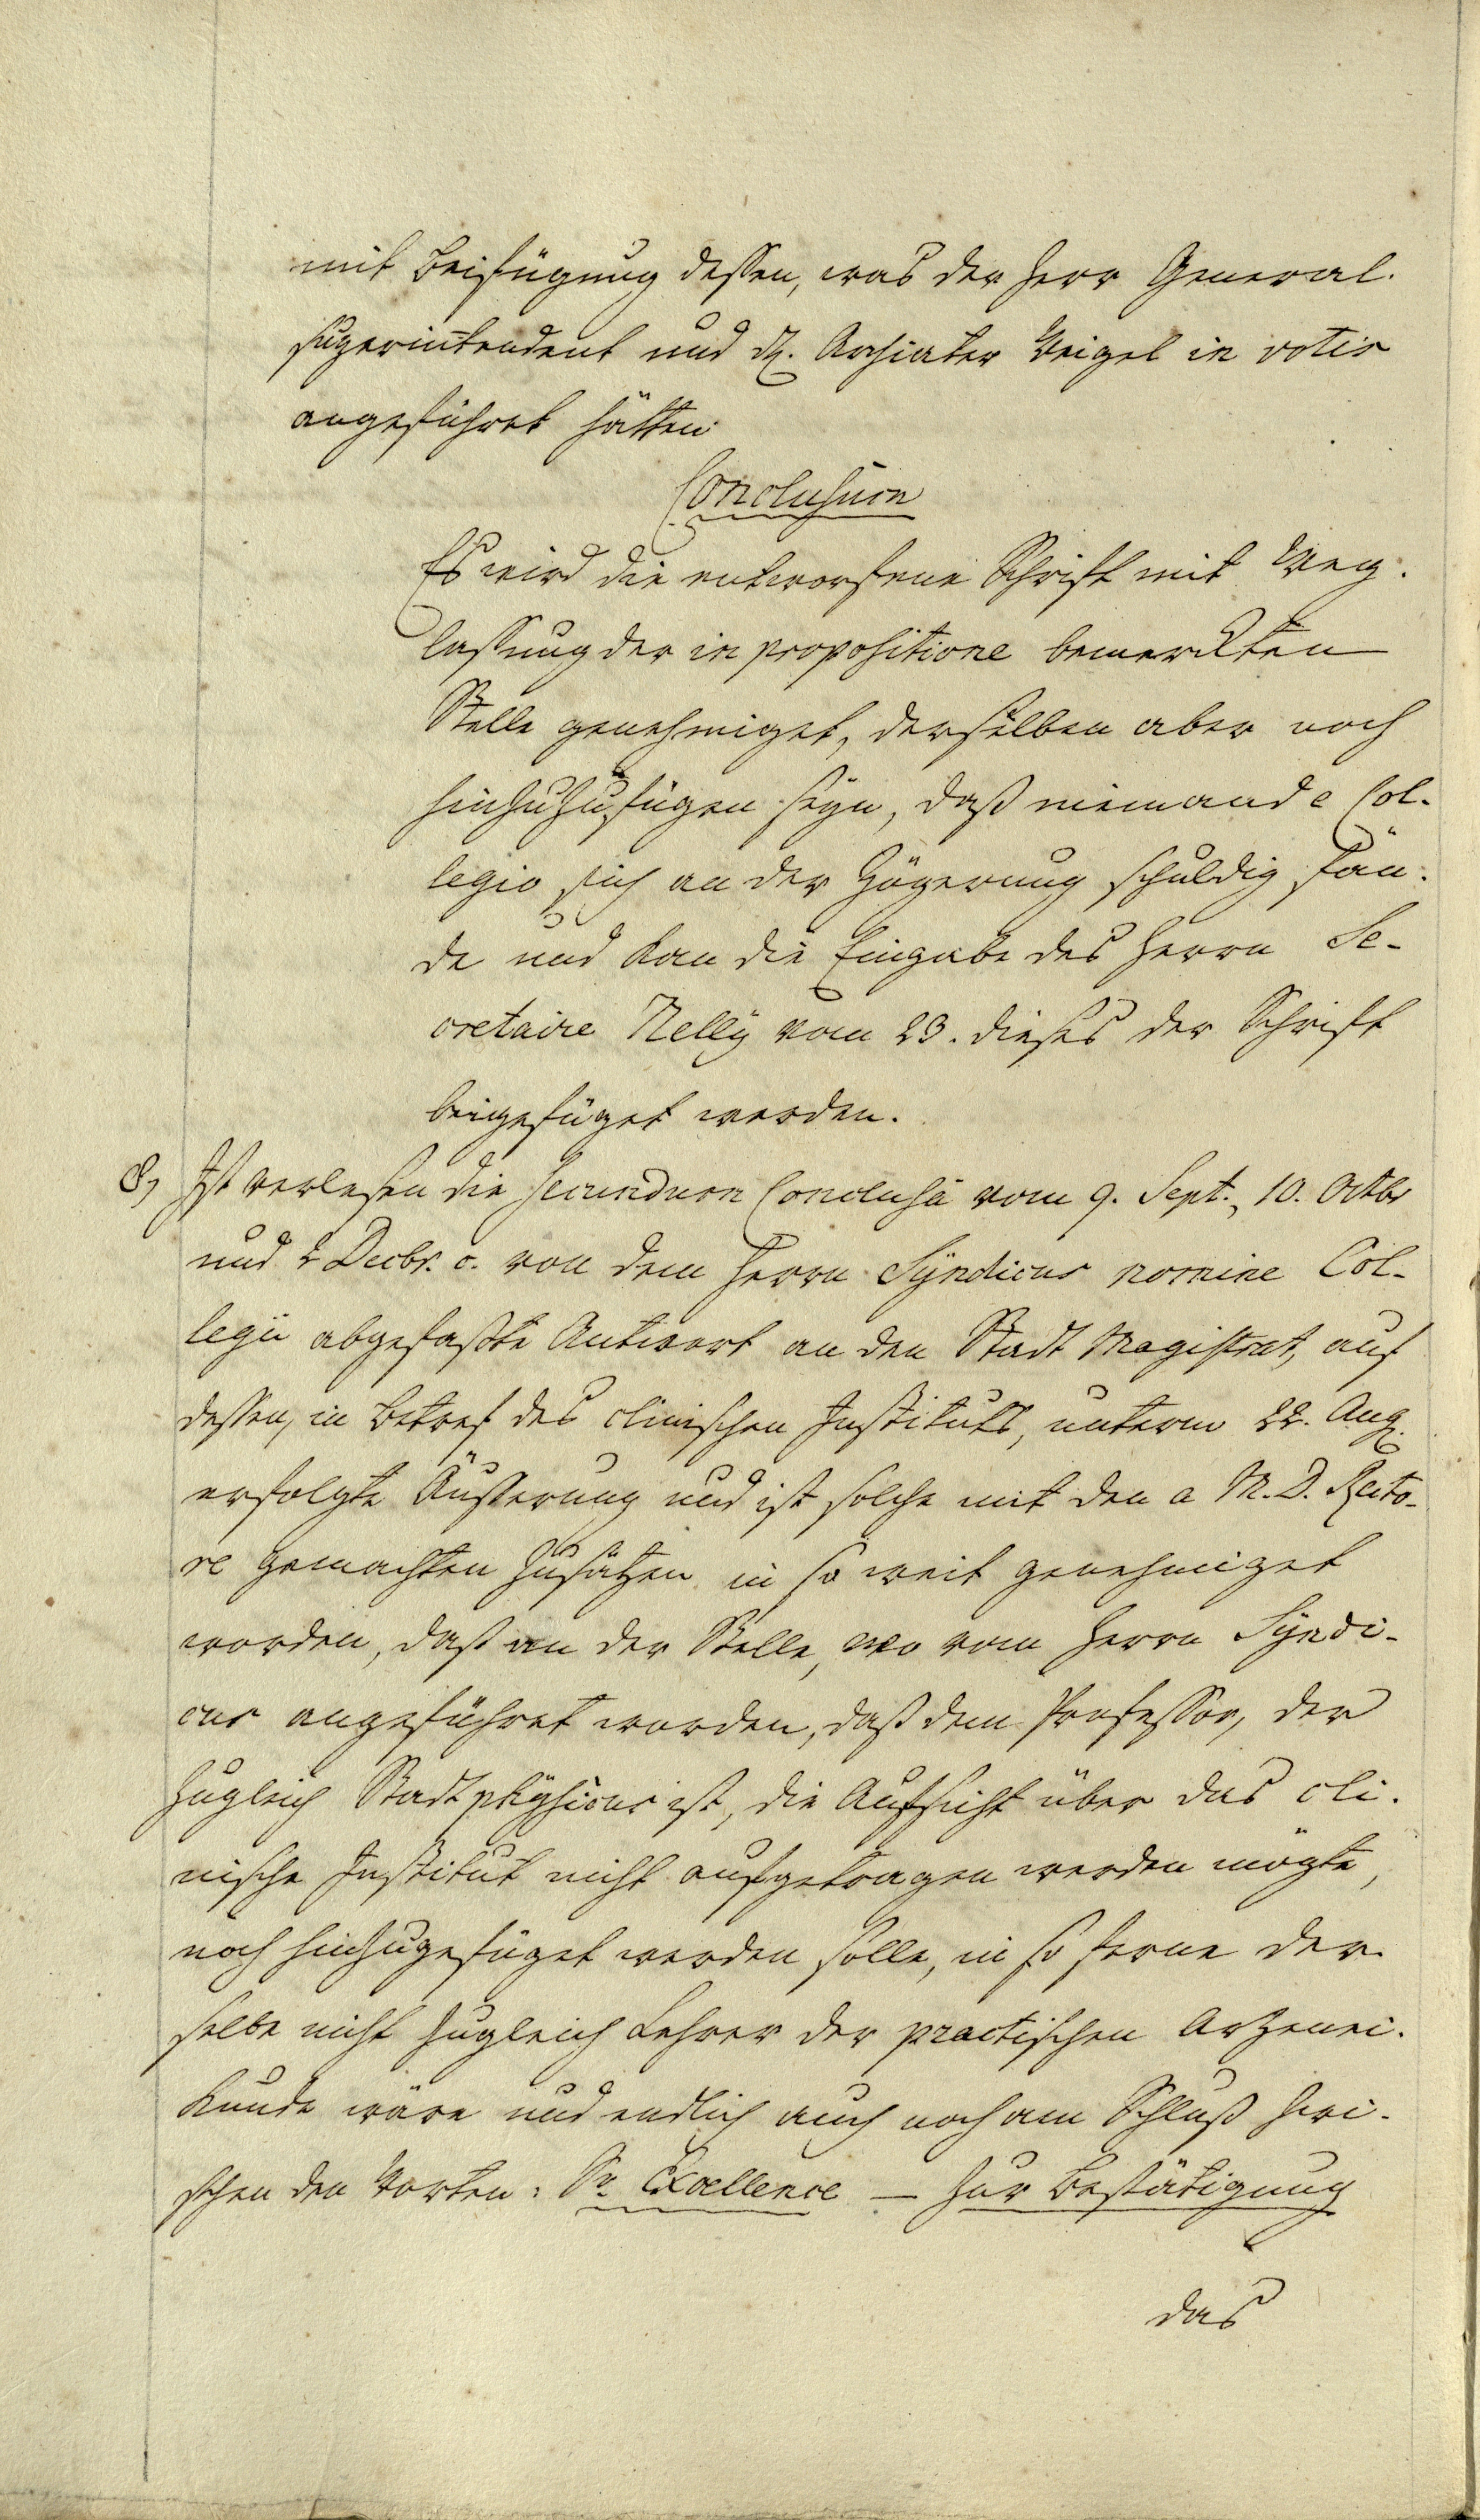mit Beifügung dessen, was der Herr General¬
Superintendent und dh. Archiater Weigel in votis
angeführet hätten.
Conclusum
Es wird die entworfene Schrift mit Weg¬
lassung der in propositione bemerckten,
Stelle genehmiget, derselben aber noch
hinzuzufügen seÿn, daß niemand a Col¬
legio sich an der Zögerung schuldig fän¬
de und kan die Eingabe des Herrn Se¬
cretaire Nellÿ vom 23. dieses der Schrift
beigefüget werden.
8., Ist verlesen die secundum Conclusa vom 9. Sept., 10. Octbr.
und 2 Decbr. c. von dem Herrn Sÿndicus nomine Col¬
legii abgefaßte Antwort an den Stadt Magistrat, auf
dessen, in Betref des clinischen Instituts, unterm 22. Aug.
erfolgte Äusserung und ist solche mit den a M. D. Recto¬
re gemachten Zusätzen in so weit genehmiget
worden, daß an der Stelle, wo vom Herrn Sÿndi¬
cus angeführet worden, daß dem Professor, der
zugleich Stadtphÿsicus ist, die Aufsicht über das cli¬
nische Institut nicht aufgetragen werden mögte,
noch hinzugefüget werden solle, in so ferne der¬
selbe nicht zugleich Lehrer der practischen Arzenei¬
kunde wäre und endlich auch noch am Schluß zwi¬
schen den Worten: Sr Excellence zur Bestätigung
das